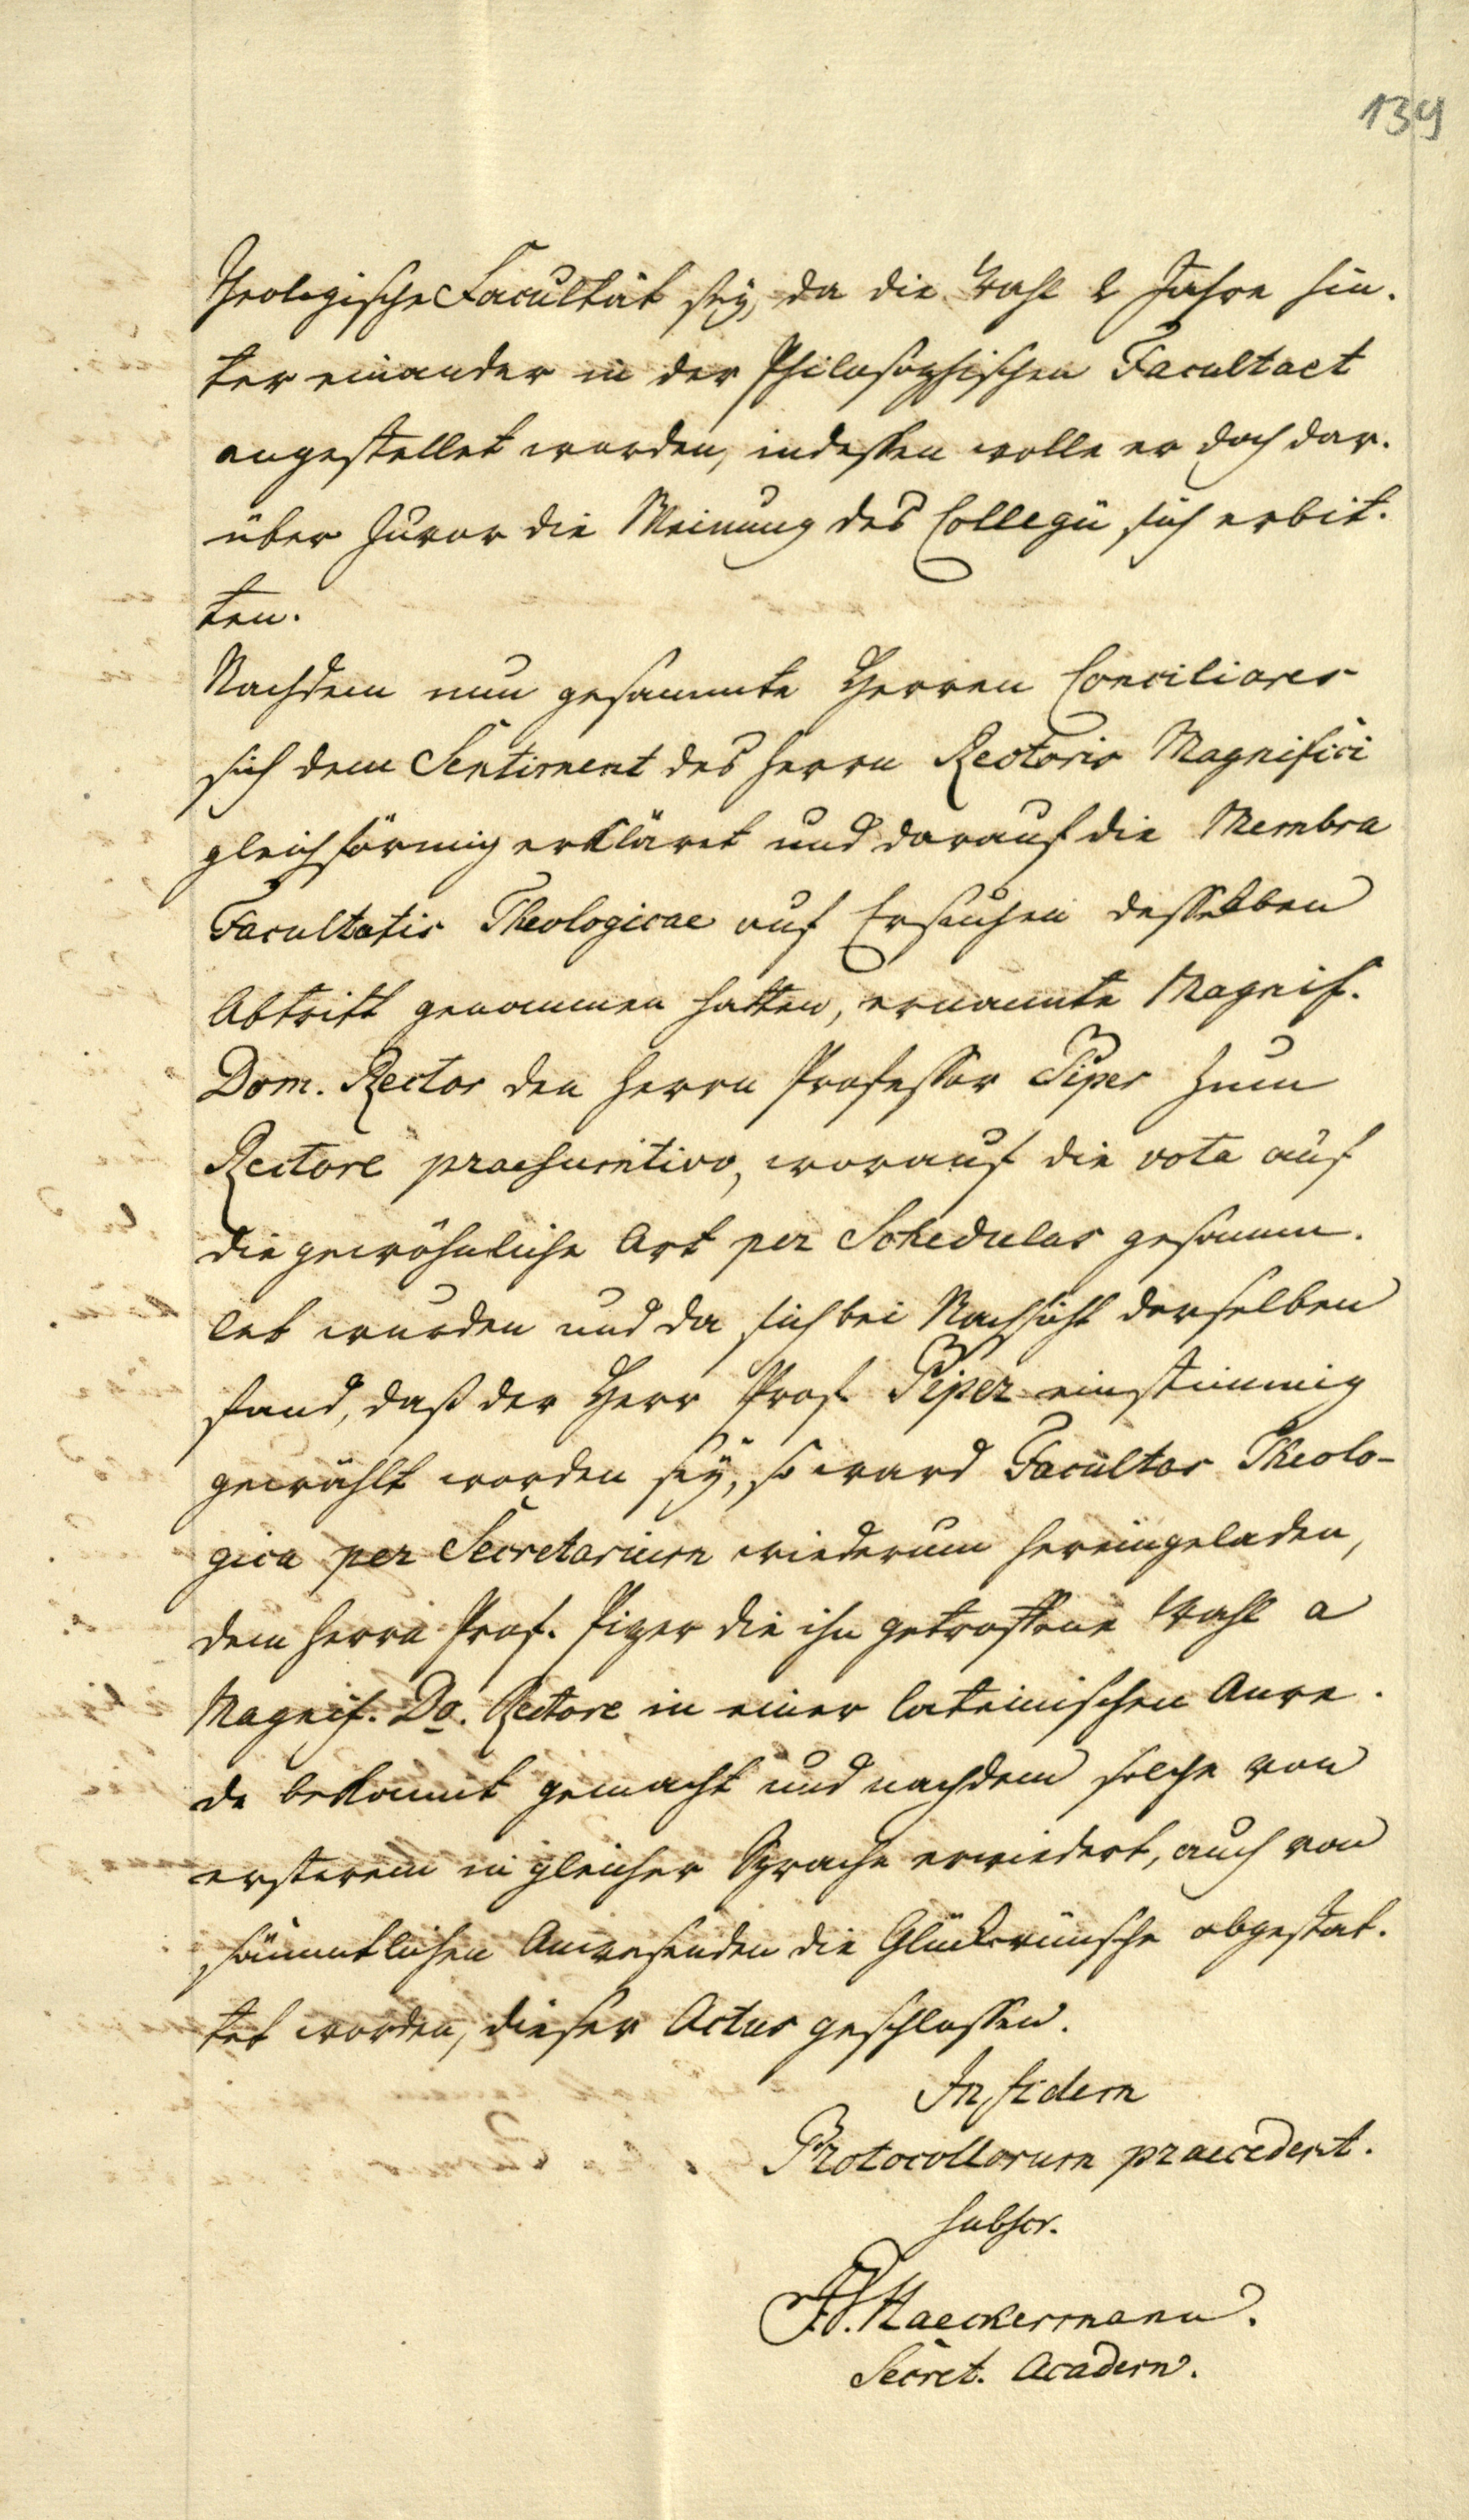Theologische Facultät seÿ, da die Wahl 2 Jahre hin¬
ter einander in der Philosophischen Facultaet
angestellet worden, indessen wolle er doch dar¬
über zuvor die Meinung des Collegii sich erbit¬
ten.
Nachdem nun gesammte Herren Conciliares
sich dem Sentiment des Herrn Rectoris Magnifici
gleichförmig erkläret und darauf die Membra
Facultatis Theologicae auf Ersuchen desselben
Abtritt genommen hatten, ernannte Magnif.
Dom. Rector den Herrn Professor Piper zum
Rectore praesumtivo, worauf die vota auf
die gewöhnliche Art per Schedulas gesamm¬
let wurden und da sich bei Nachsicht derselben
fand, daß der Herr Prof. Piper einstimmig
gewählt worden seÿ, so ward Facultos Theolo¬
gica per Secretarium wiederum hereingeladen,
dem Herrn Prof. Piper die ihn getroffene Wahl a
Magnif. Dn. Rectore in einer lateinischen Anre¬
de bekannt gemacht und nachdem solche von
ersterem in gleicher Sprache erwiedert, auch von
sämmtlichen Anwesenden die Glückwünsche obgestat¬
tet worden, dieser Actus geschlossen.
In fidem
Protocollorum paecedent.
subscr.
J.G. Haeckermann.
Secret. Academ.